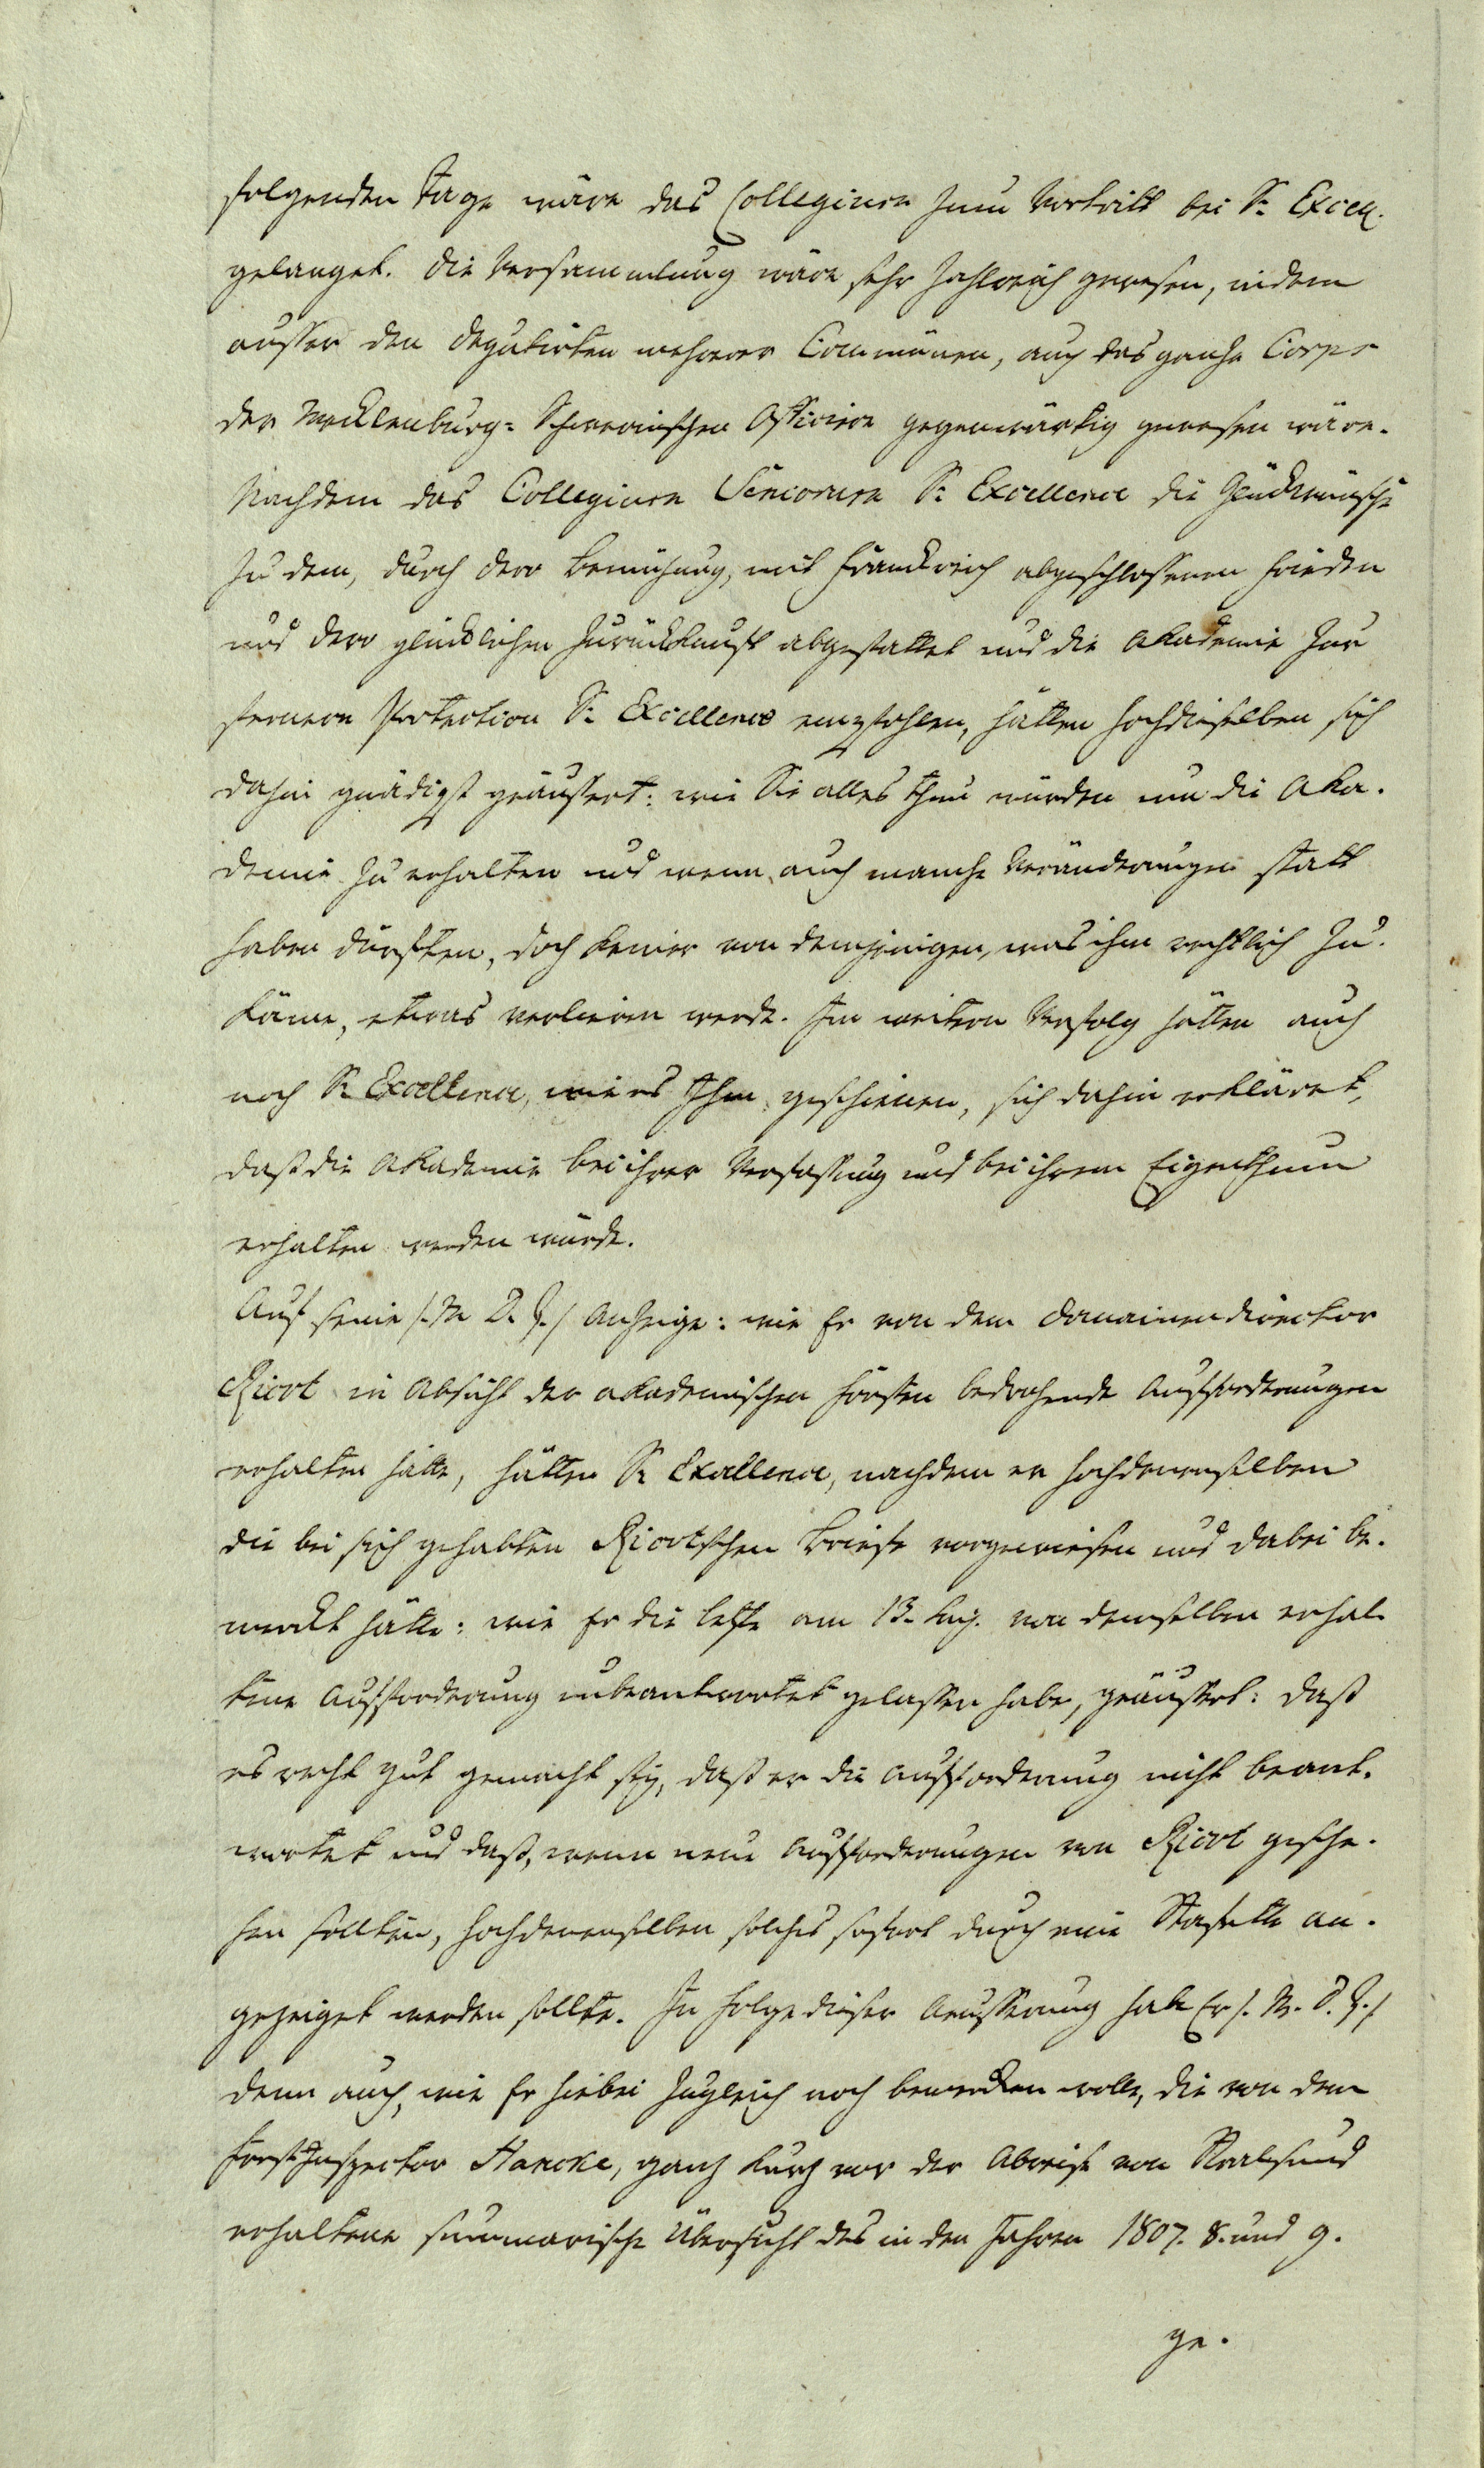folgenden Tage wäre das Collegium zum Vortritt bei Sr. Excel.
gelanget. Die Versammlung wäre sehr zahlreich gewesen, indem
ausser den Deputirten mehrerer Commünen, auch das ganze Corps
der Mecklenburg-Schwerinschen Officiere gegenwärtig gewesen wäre.
Nachdem das Collegium Seniorum Sr Excellence die Glückwünsche
zu dem, durch dero Bemühung, mit Franckreich abgeschlossenen Frieden
und der glücklichen Zurückkunft abgestattet und die Akademie zur
fernern Protection Sr. Excellence empfohlen, hätten Hochdieselben sich
dahin gnädigst geäussert: wie Sie alles thun würden um die Aka¬
demie zu erhalten und wenn auch manche Veränderungen statt
haben dürften, doch keiner von demjenigen, was ihm rechtlich zu¬
käme, etwas verlieren werde. Im weitern Verfolg hätten auch
noch Sr Excellence, wie es Ihm, geschienen, sich dahin erkläret
daß die Akademie bei ihrer Verfassung und bei ihrem Eigenthum
erhalten, werden würde.
Auf seine /. M. D. R./ Anzeige: wie Er von dem Domainendirector
Ricot in Absicht der akademischen Forsten bedrohende Aufforderungen
erhalten hätte, hätten Sr. Excellence, nachdem er hochdenenselben
die bei sich gehalten Ricotschen Briefe vorgewiesen und dabei be¬
merckt hätte: wie Er die letzte am 13. huj. von demselben erhal¬
tene Aufforderung unbeantwortet gelassen habe, geäussert: daß
es recht gut gemacht seÿ, daß er die Aufforderung nicht beant¬
wortet und daß, wenn neue Aufforderungen von Ricot gesche¬
hen sollten, hochdenenselben solches sofort durch eine Stafette an¬
gezeiget werden sollte. In Folge dieser Aeusserung habe Er /. M. D. R./
denn auch, wie Er hiebei zugleich noch bemercken wolle, die von dem
ForstInspector Hancke, ganz kurz vor der Abreise von Stralsund
erhaltene summarische Übersicht des in den Jahren 1807. 8. und 9.
ge¬